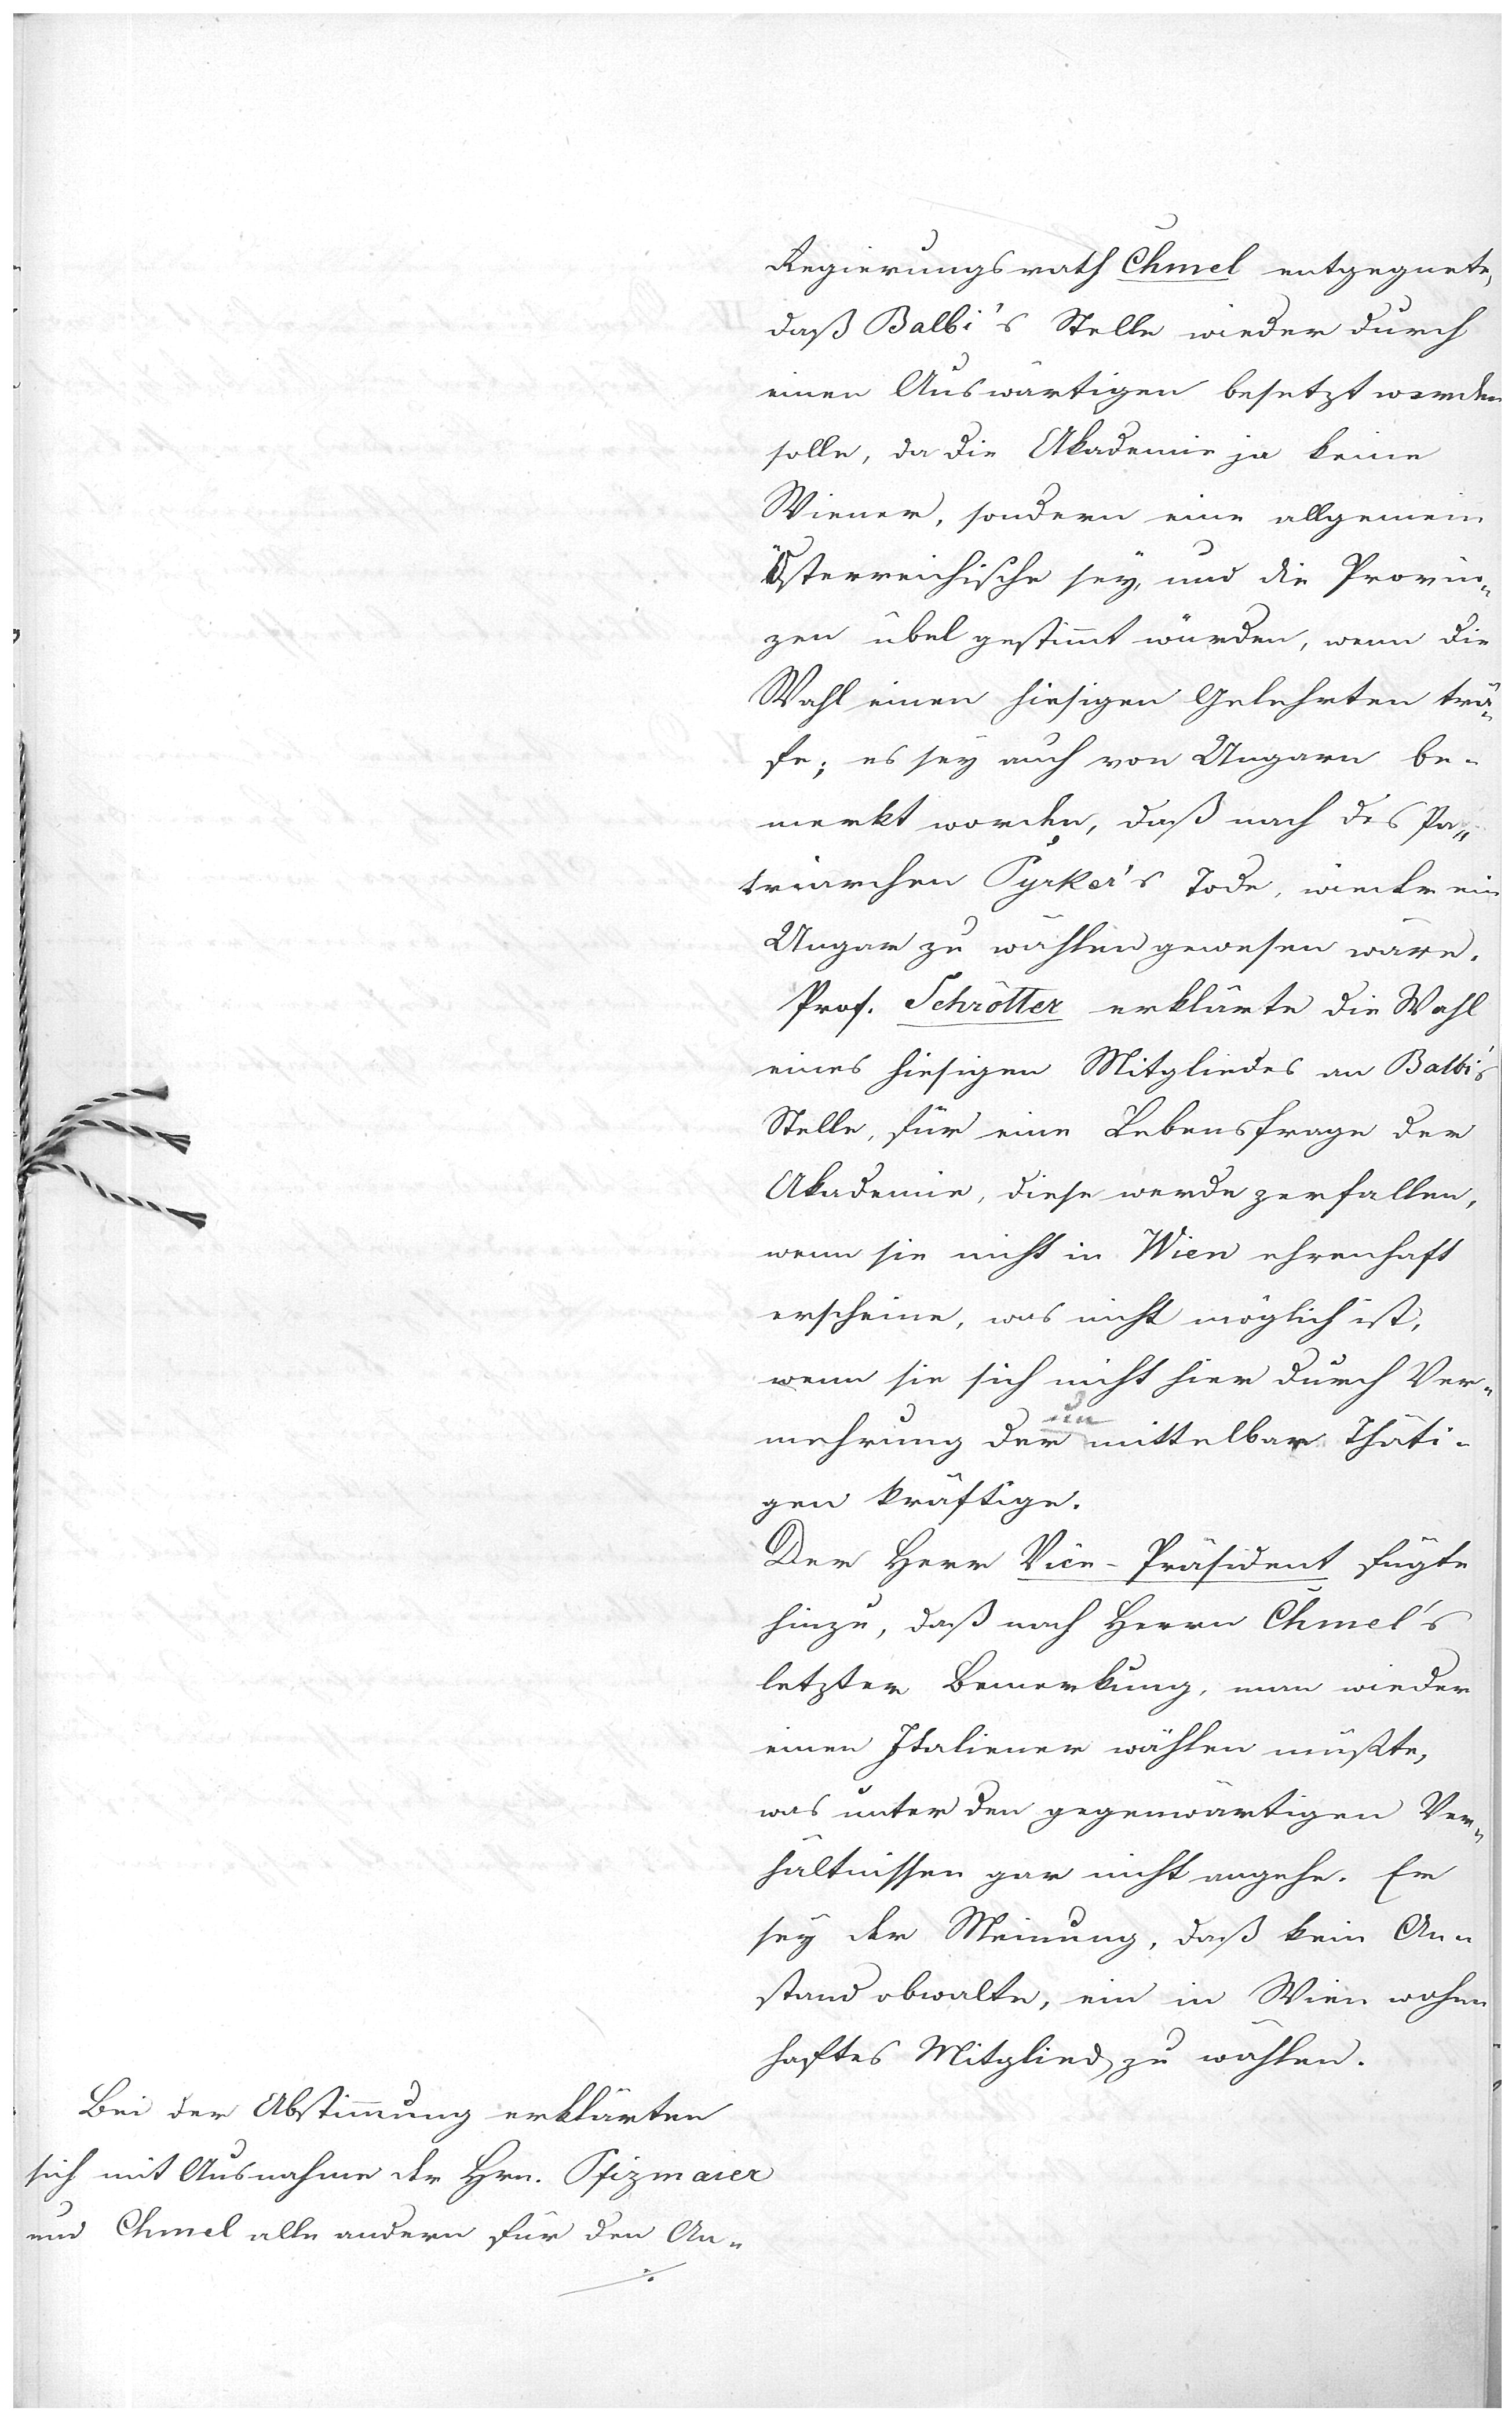Regierungsrath Chmel entgegnete,
daß Balbi's Stelle wieder durch
einen Auswärtigen besetzt werden
solle, da die Akademie ja keine
Wiener, sondern eine allgemeine
Österreichische sey, und die Provin-
zen übel gestimmt würden, wenn die
Wahl einen hiesigen Gelehrten trä-
fe; es sey auch von Ungarn be-
merkt worden, daß nach des Pa-
triarchen Pyrker's Tode, wieder ein
Ungar zu wählen gewesen wäre.
Prof. Schrötter erklärte die Wahl
eines hiesigen Mitgliedes an Balbi's
Stelle, für eine Lebensfrage der
Akademie, diese werde zerfallen,
wenn sie nicht in Wien ehrenhaft
erscheine, was nicht möglich ist,
wenn sie sich nicht hier durch Ver-
mehrung der unmittelbar Thäti-
gen kräftige.
Der Herr Vice-Präsident fügte
hinzu, daß nach Herrn Chmel's
letzter Bemerkung, man wieder
einen Italiener wählen müßte,
was unter den gegenwärtigen Ver-
hältnissen gar nicht angehe. Er
sey der Meinung, daß kein An-
stands obwalte, ein in Wien wohn-
haftes Mitglied zu wählen.
Bei der Abstimmung erklärten
sich mit Ausnahme der Hrn. Pfizmaier
und Chmel alle andern für den An-